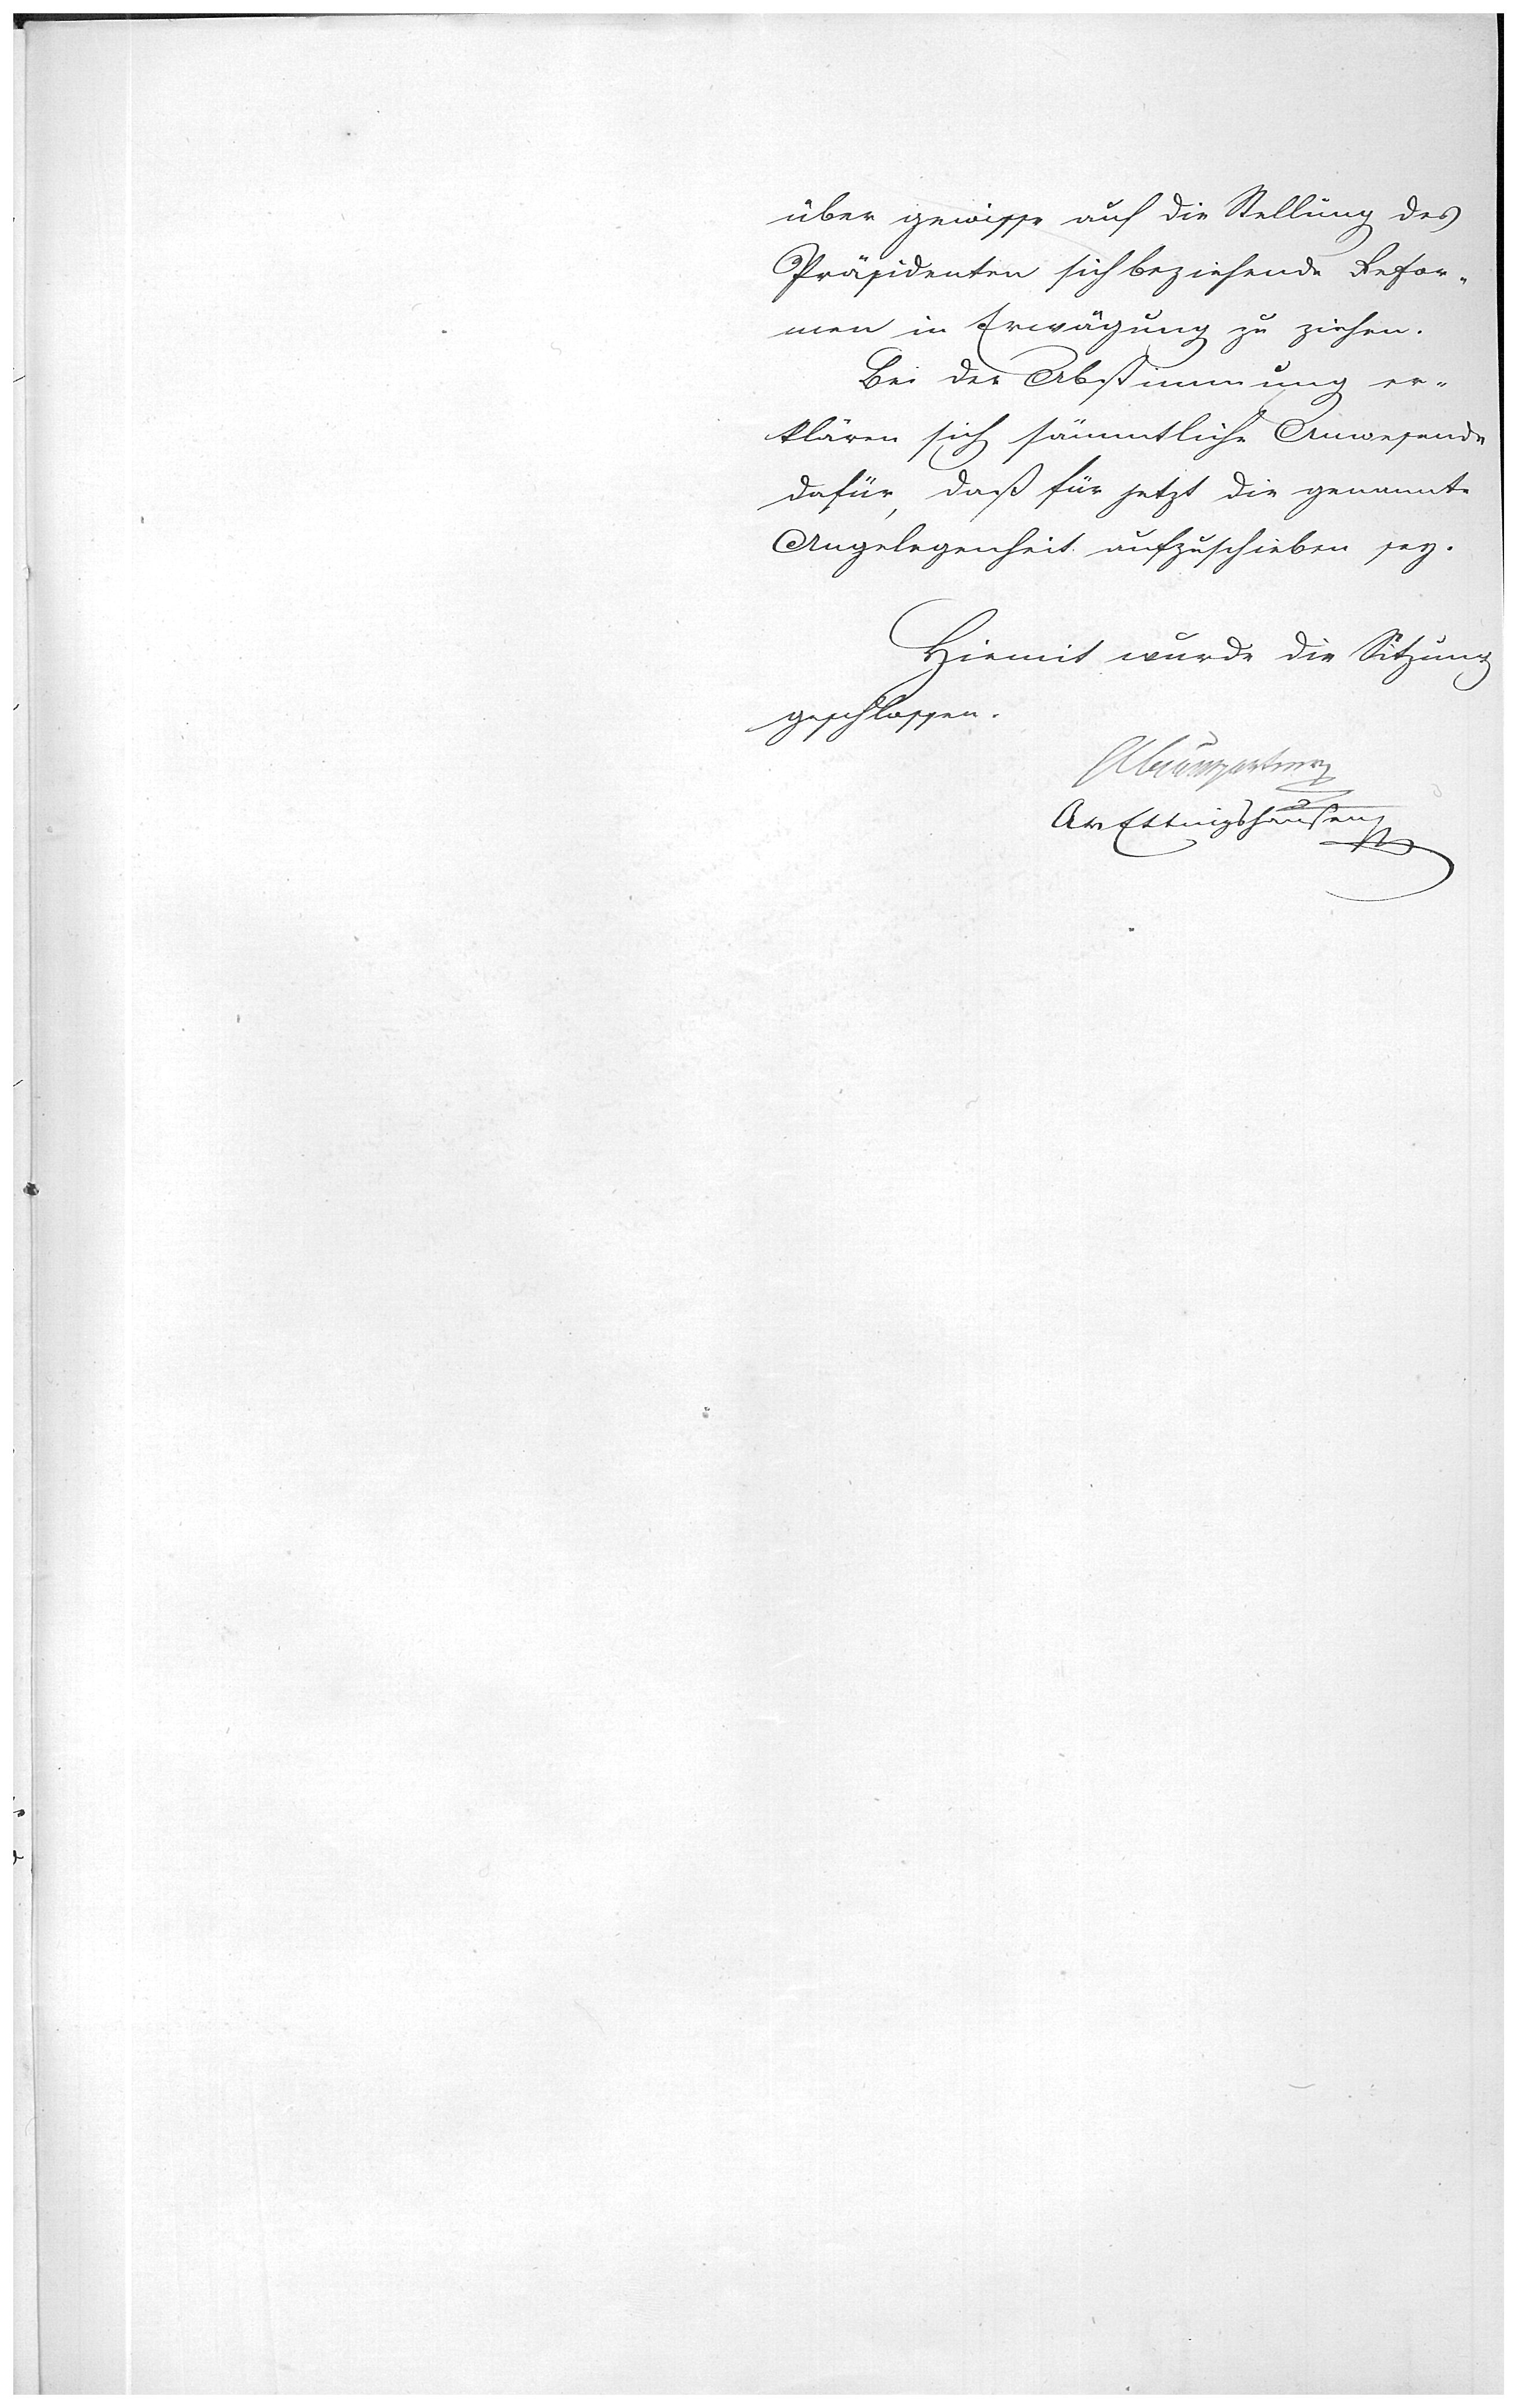über gewisse auf die Stellung des
Präsidenten sich beziehende Refor-
men in Erwägung zu ziehen.
Bei der Abstimmung er-
klaren sich sämmtliche Anwesende
dafür, daß für jetzt die genannte
Angelegenheit aufzuschieben sey.
Hiemit wurde die Sitzung
geschlossen.
ABaumgartner
AvEttingshausen